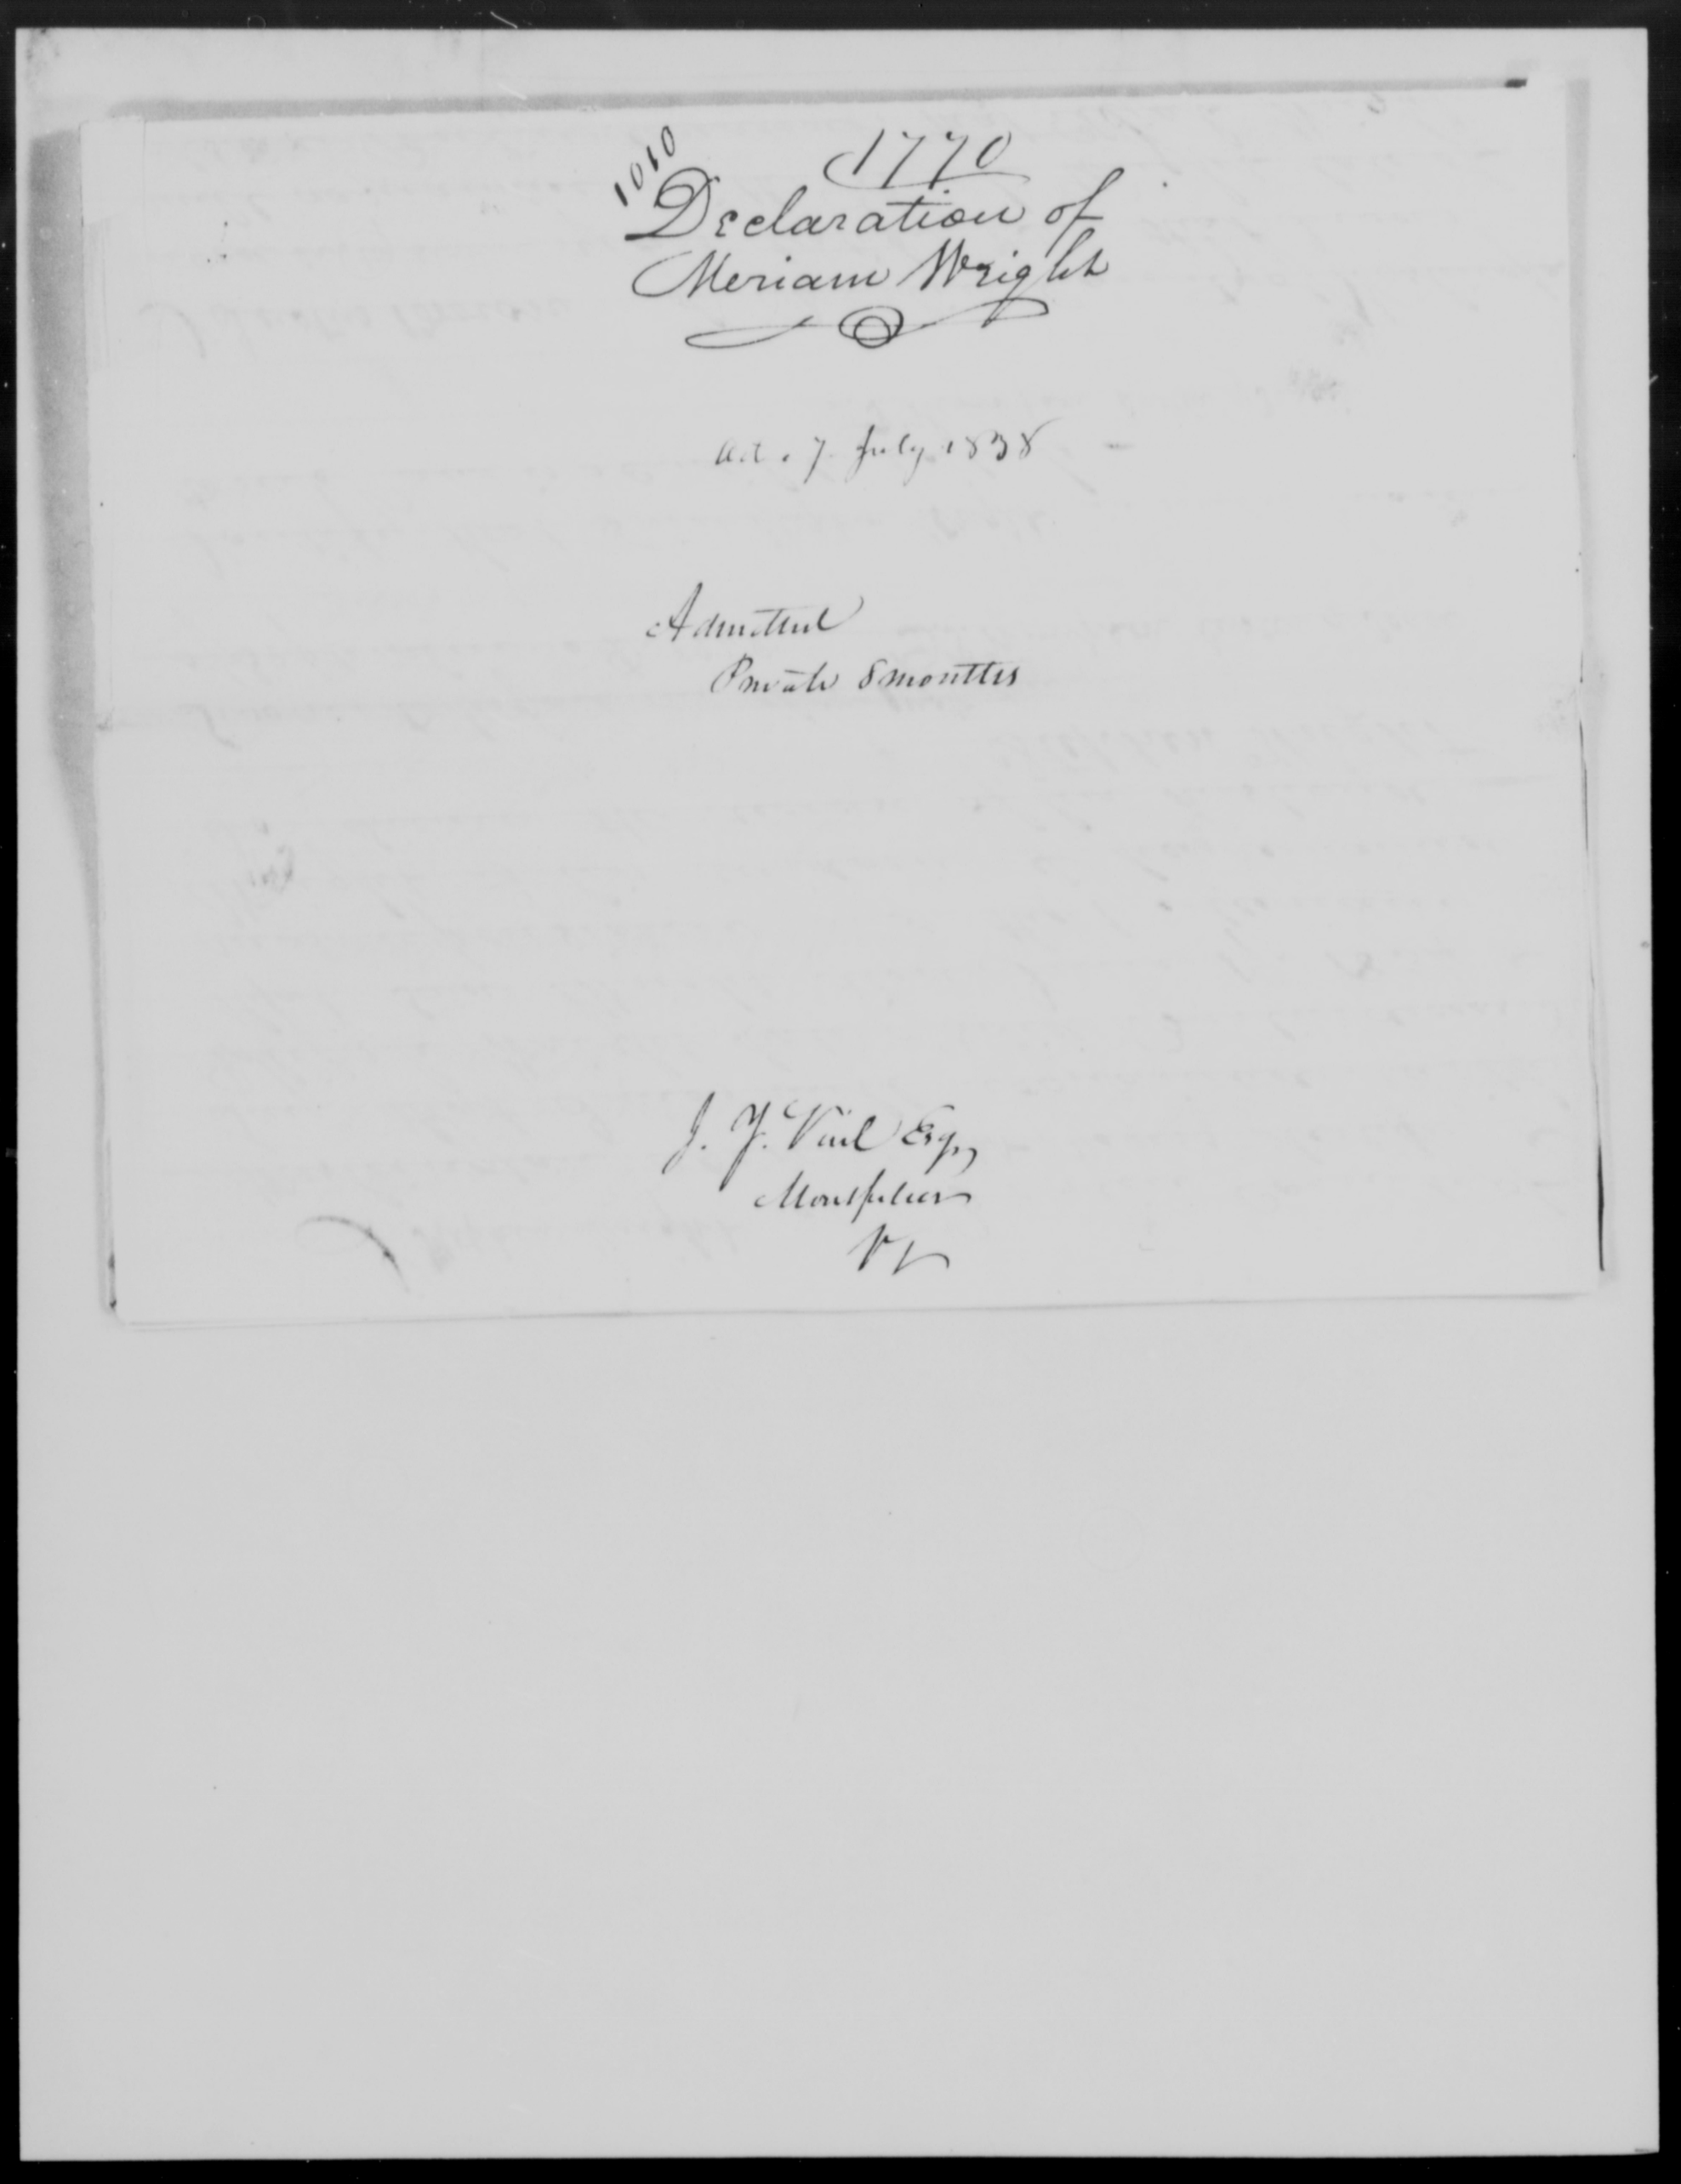1770

1010
Declaration of Meriam Wright

Act 7 July 1838

Admited
Private 8 months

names: J Y Vail, Meriam Wright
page: 12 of 26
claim: widow's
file: W. 26,137, Elijah Wright, N.H.